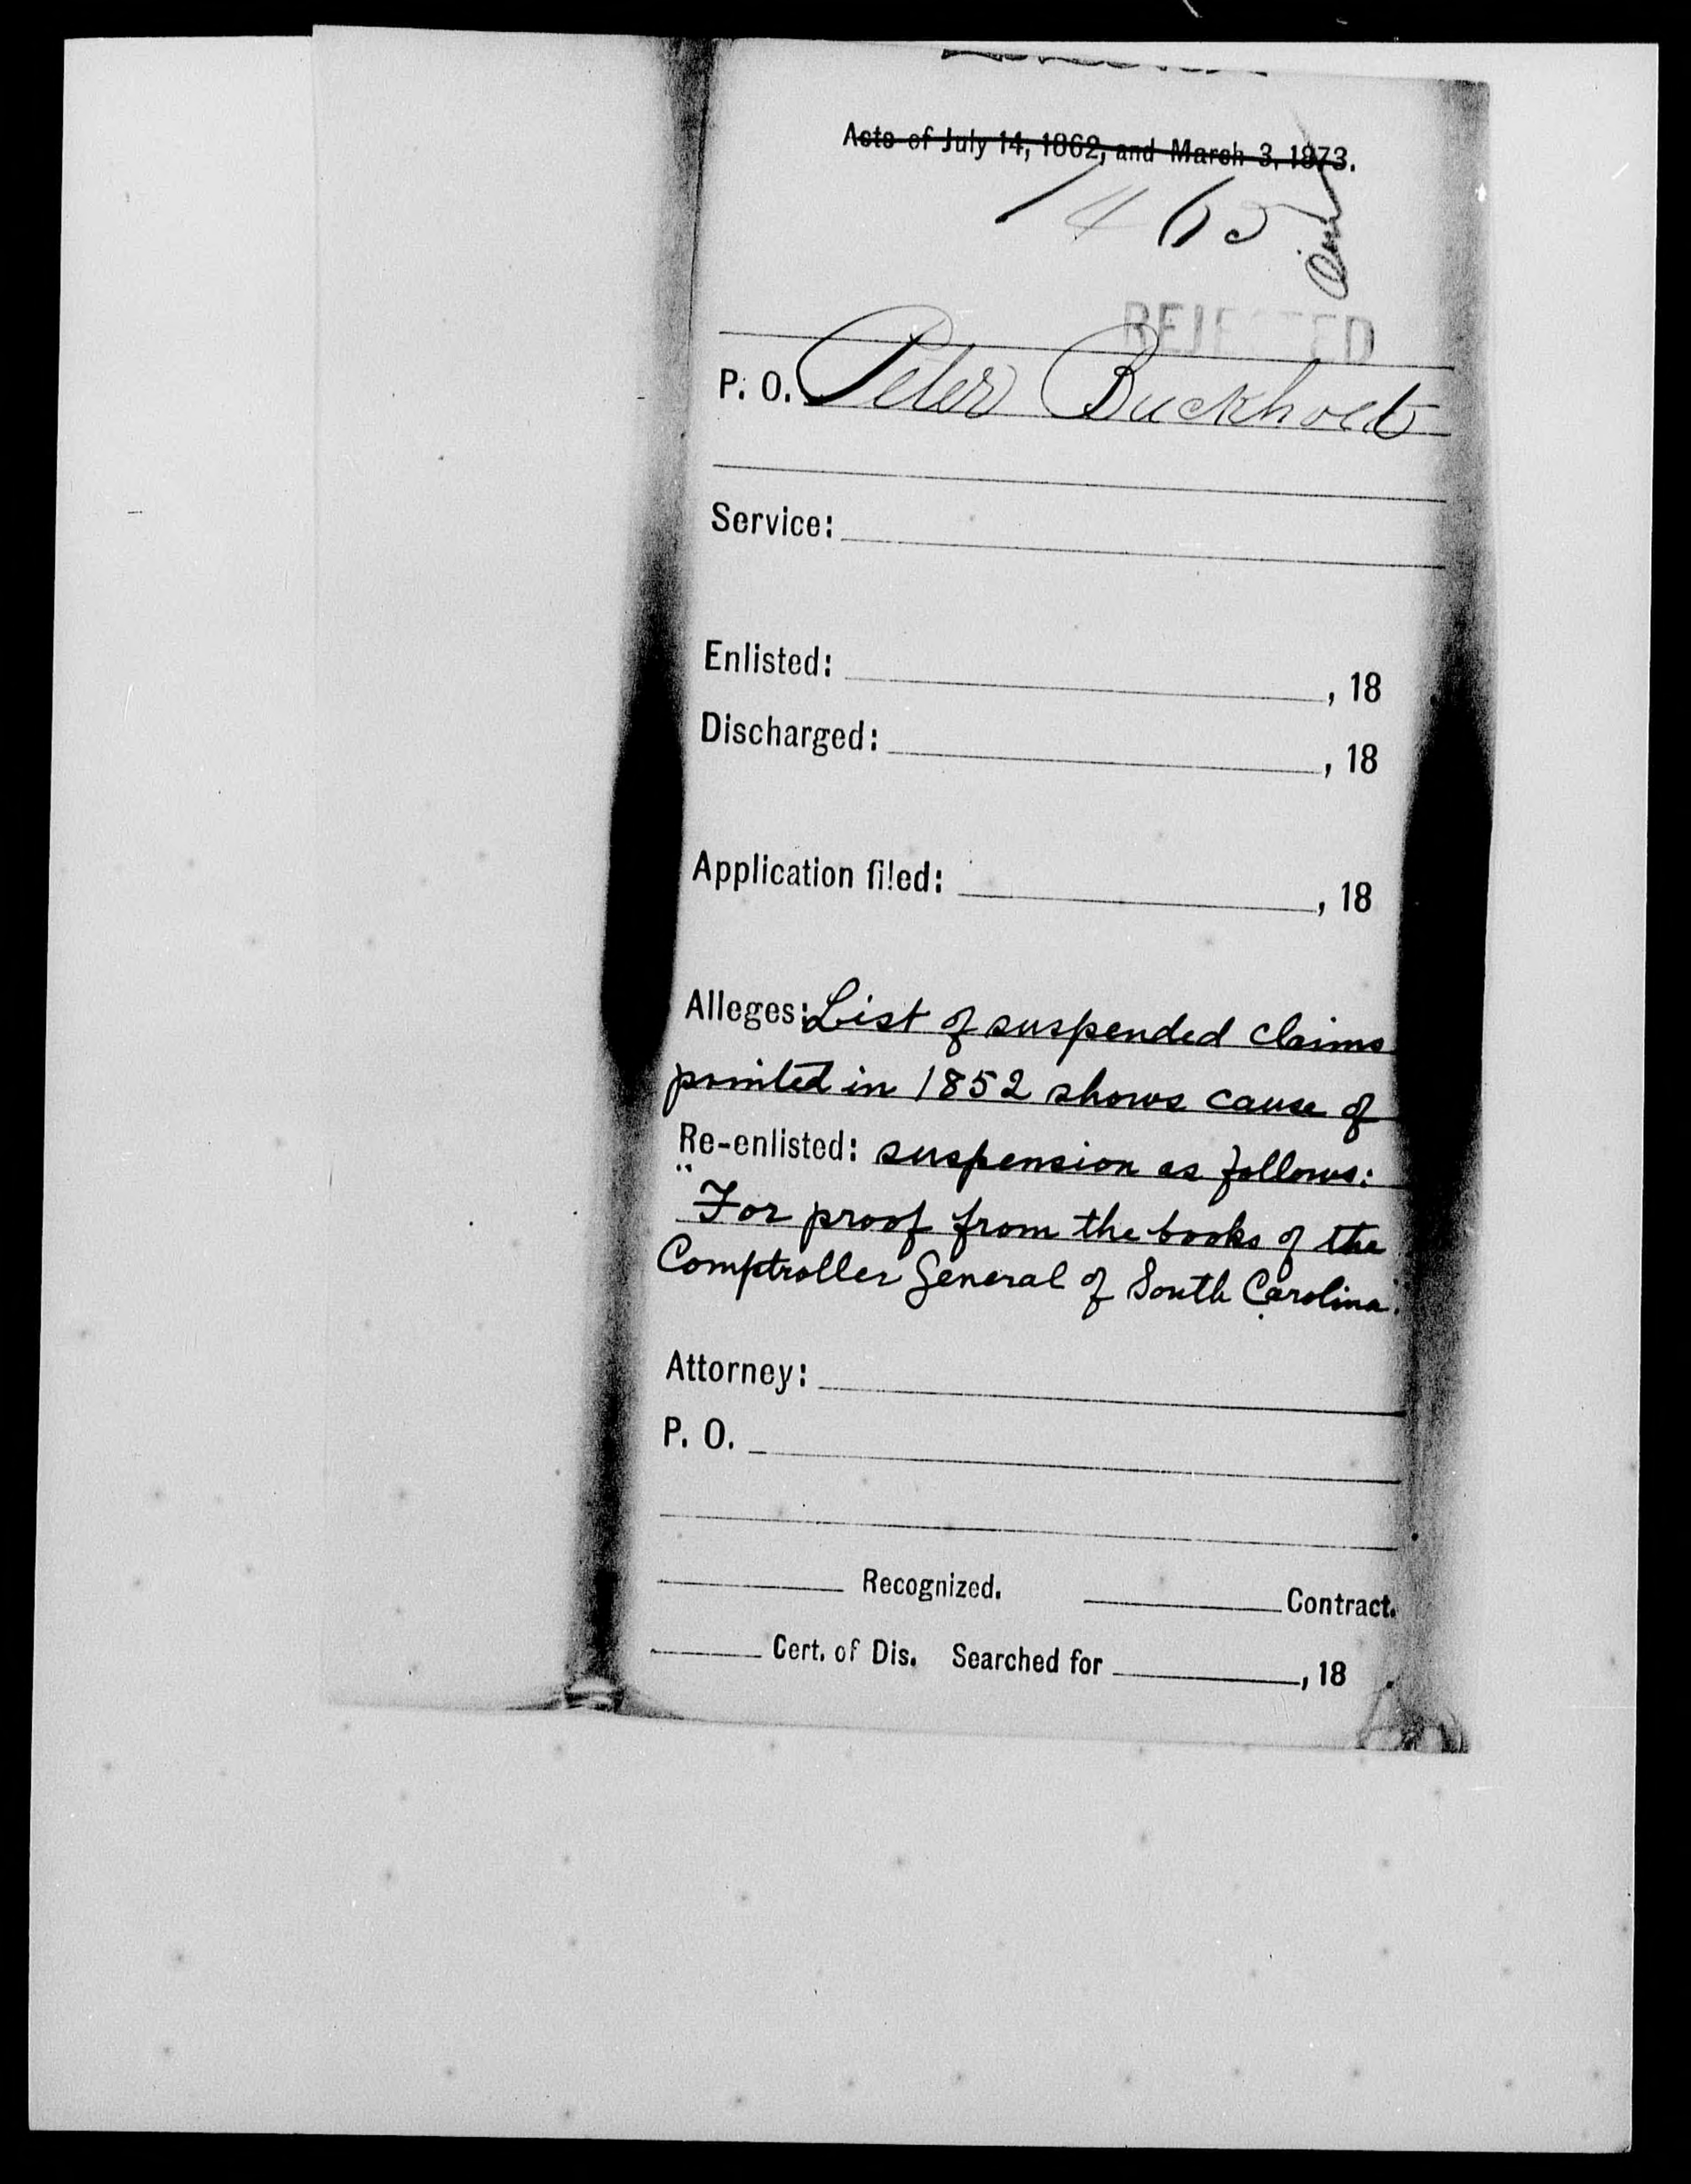1465
REJECTED
P.O.
Peter Buckholts
Service:
Enlisted:
Discharged:
Application filed:
Alleges:
List of suspended claims printed in 1852 shows cause of suspension as follows: "For proof from the books of the Comptroller General of South Carolina."
Re-enlisted:
Attorney:
P.O.
Recognized. Contract.
Cert. of Dis. Searched for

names: Peter Buckholt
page: 14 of 23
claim: rejected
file: R. 1465, Peter Buckholts, S.C.